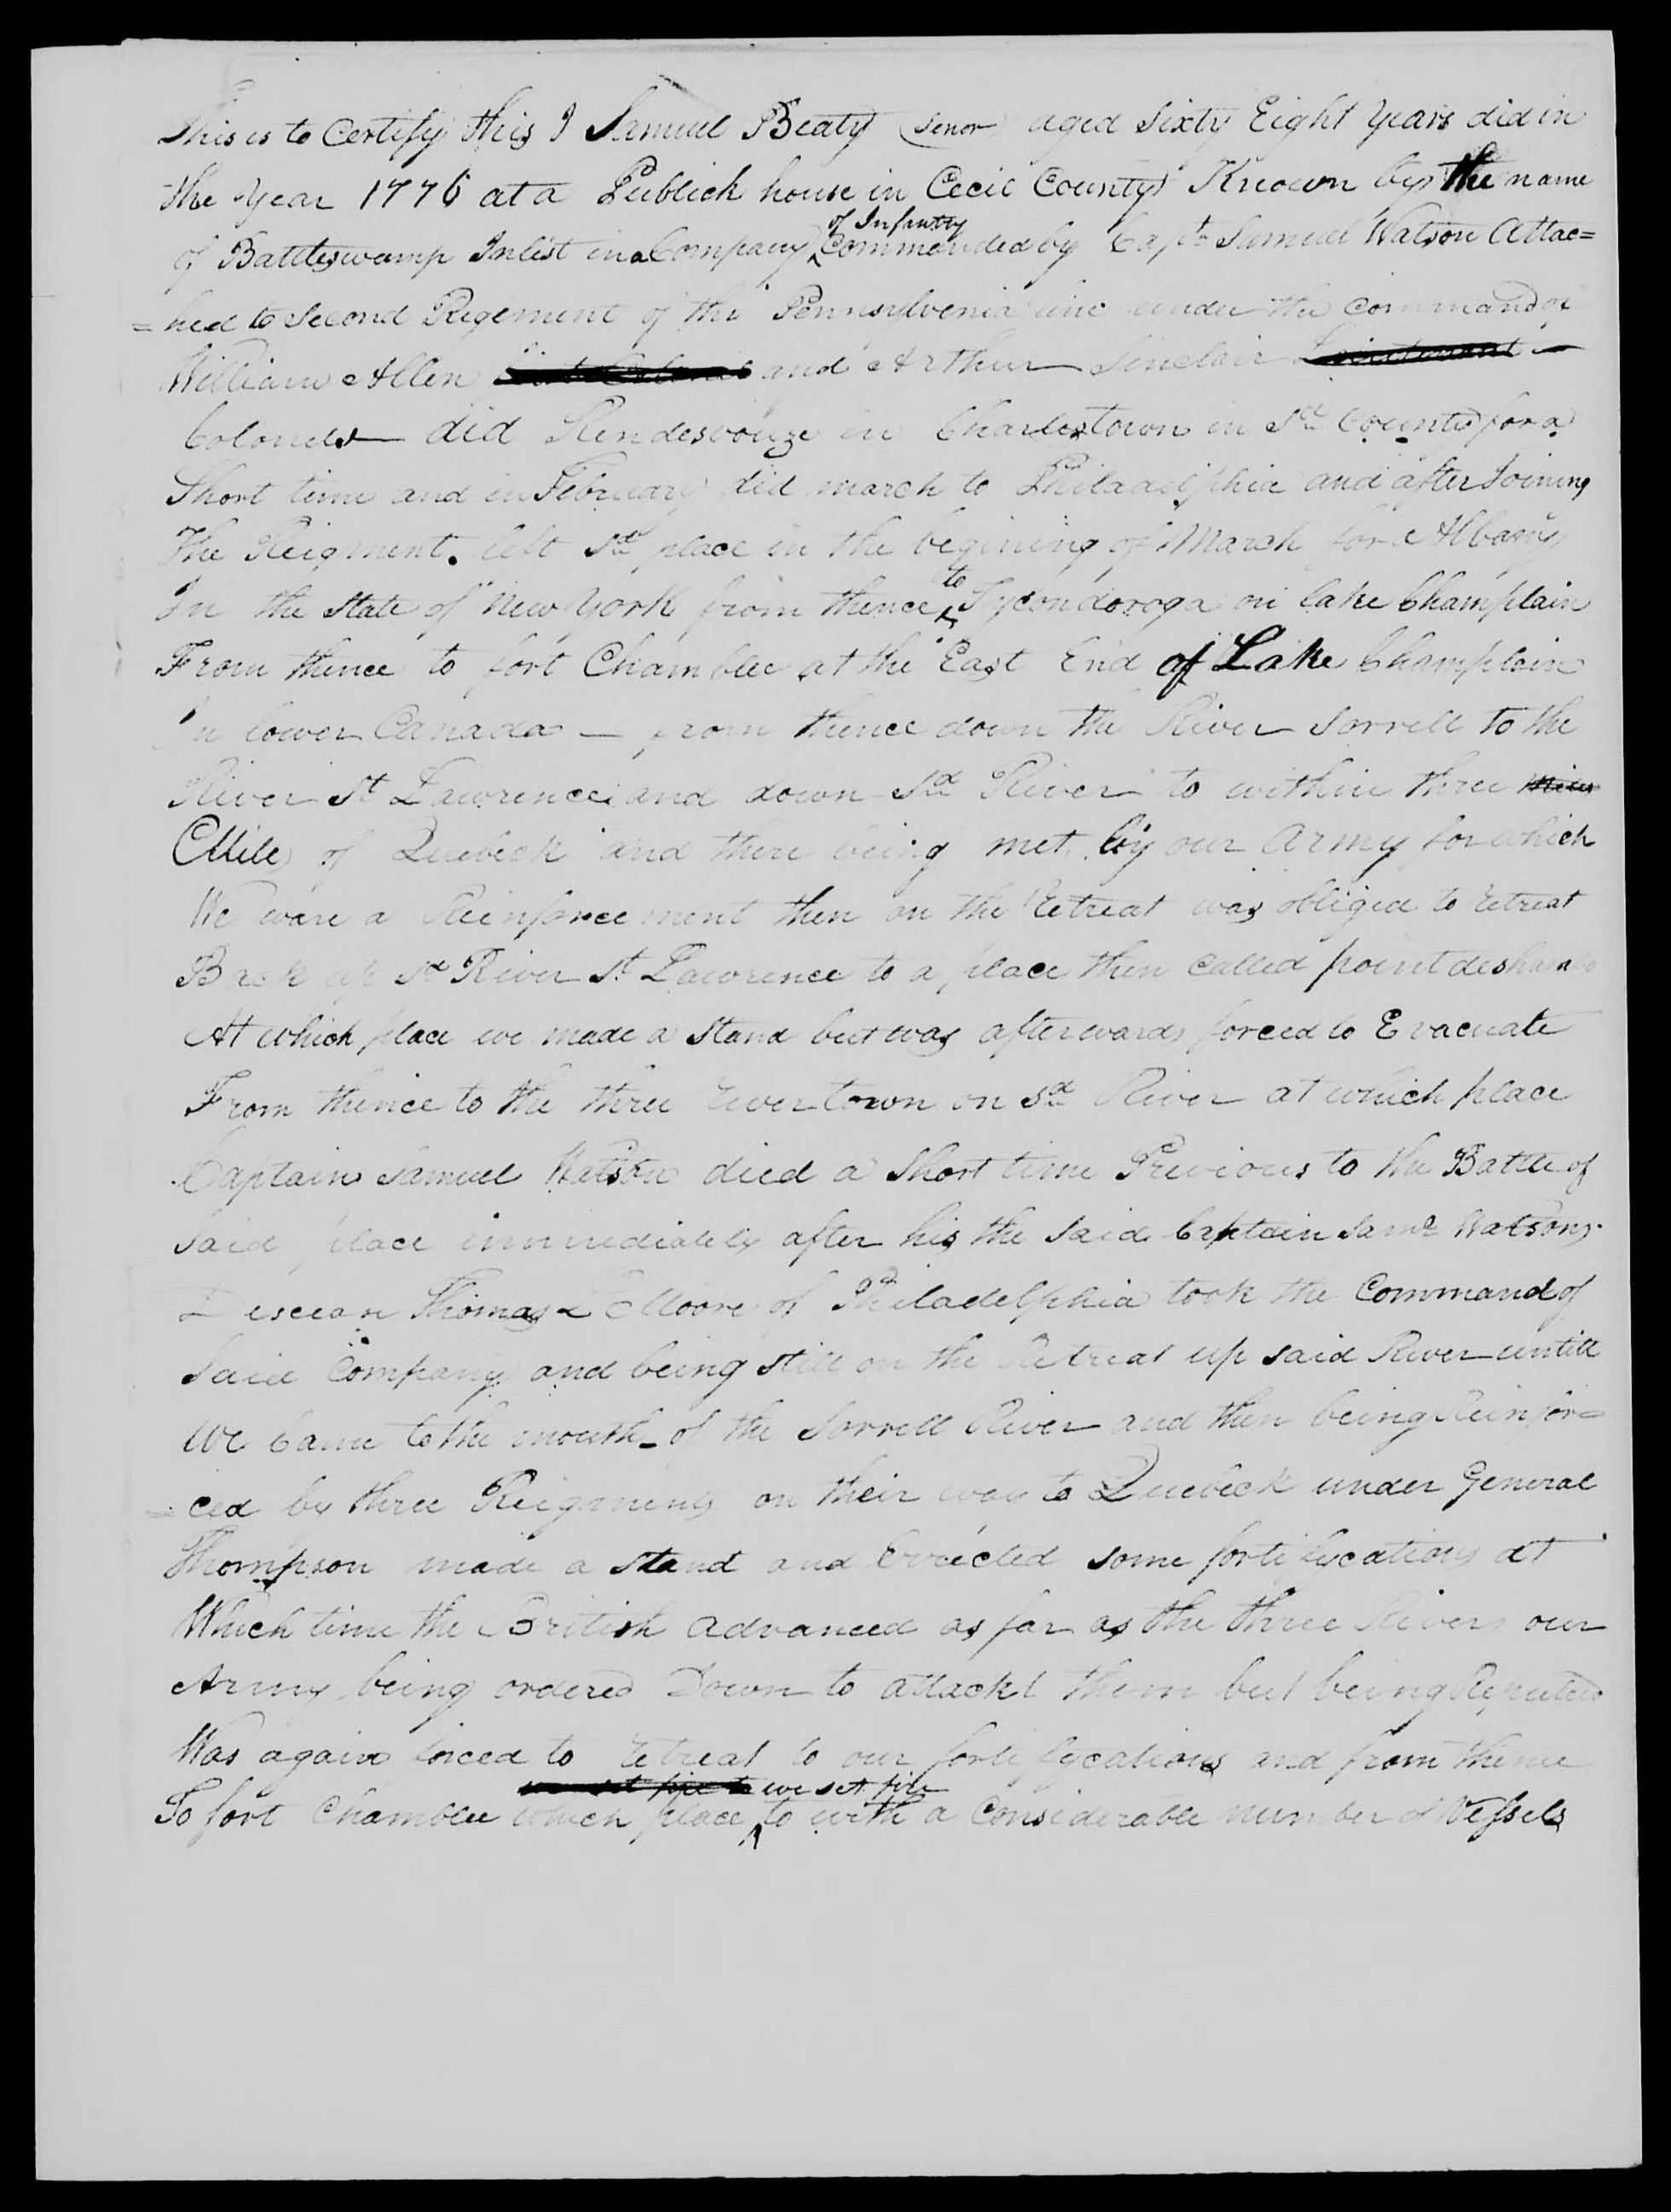This is to Certify this I Samuel Beaty Senor [sic]- aged Sixty Eight Years did in the Year 1776 at a Lublick house in Cecil County Known by the name of Battleyswamp Inlist in a Company ^of infantry Commanded by Capt Samuel Watson Attached to Second Regiment of the Pennsylvania line under the command of William Allen [illegible word crossed out] and Arthur Sinclair ["Lieutenant in" crossed out] Colonel -- did Rendesvouze [sic] in Charlestown in Scc" County for a short time and in February did march to Philadelphia and after joining The Regiment left Sd" place in the begining [sic] of March for Albany in the State of New York from thence ^to Tycondoroga [sic] on Lake Champlain From thence to fort Chamblec at the East End of Lake Champlain in lower Canada -- from thence down the River Sorrell to the River St Lawrence and down S-d River to within three [miles crossed out] Mile of Quebeck [sic]and there being met by our Army for which We ware [sic]a Reinforcement then on the Retreat was obliged to retreat Back up Sd River St. Lawrence to a place then called pointdeshanbo at which place we made a Stand but was afterward forced to Evacuate From thence to the three Evertown on S"d River at which place Captain Samuel Watson died a Short time Previous to the Battle of Said place immediately after his the Said Captain Sam-l Watson Desceam Thomas L Moore of Philadelphia took the Command of Said Company and being still on the Retreat up said River untill [sic]we came to the mouth of the Sorrell River and there being Reinforced by three Regiments on their way to Quebeck [sic] under General Thompson made a stand and Evicted some fortifications at Which time the British advanced as far as the three Rivers our Army being ordered Down to attack them, but being Reputed Was again forced to retreat to our fortifications and from thence To fort Chamblec which place ^we set fire to with a considerable number of Vessels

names: William Allen, Thomas L Moore, Samuel Beaty, Thompson, Samuel Watson, Samuel Watson, Arthur Sinclair, Saml Watson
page: 10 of 31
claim: survivor's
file: S. 34646, Samuel Beaty, Penn.